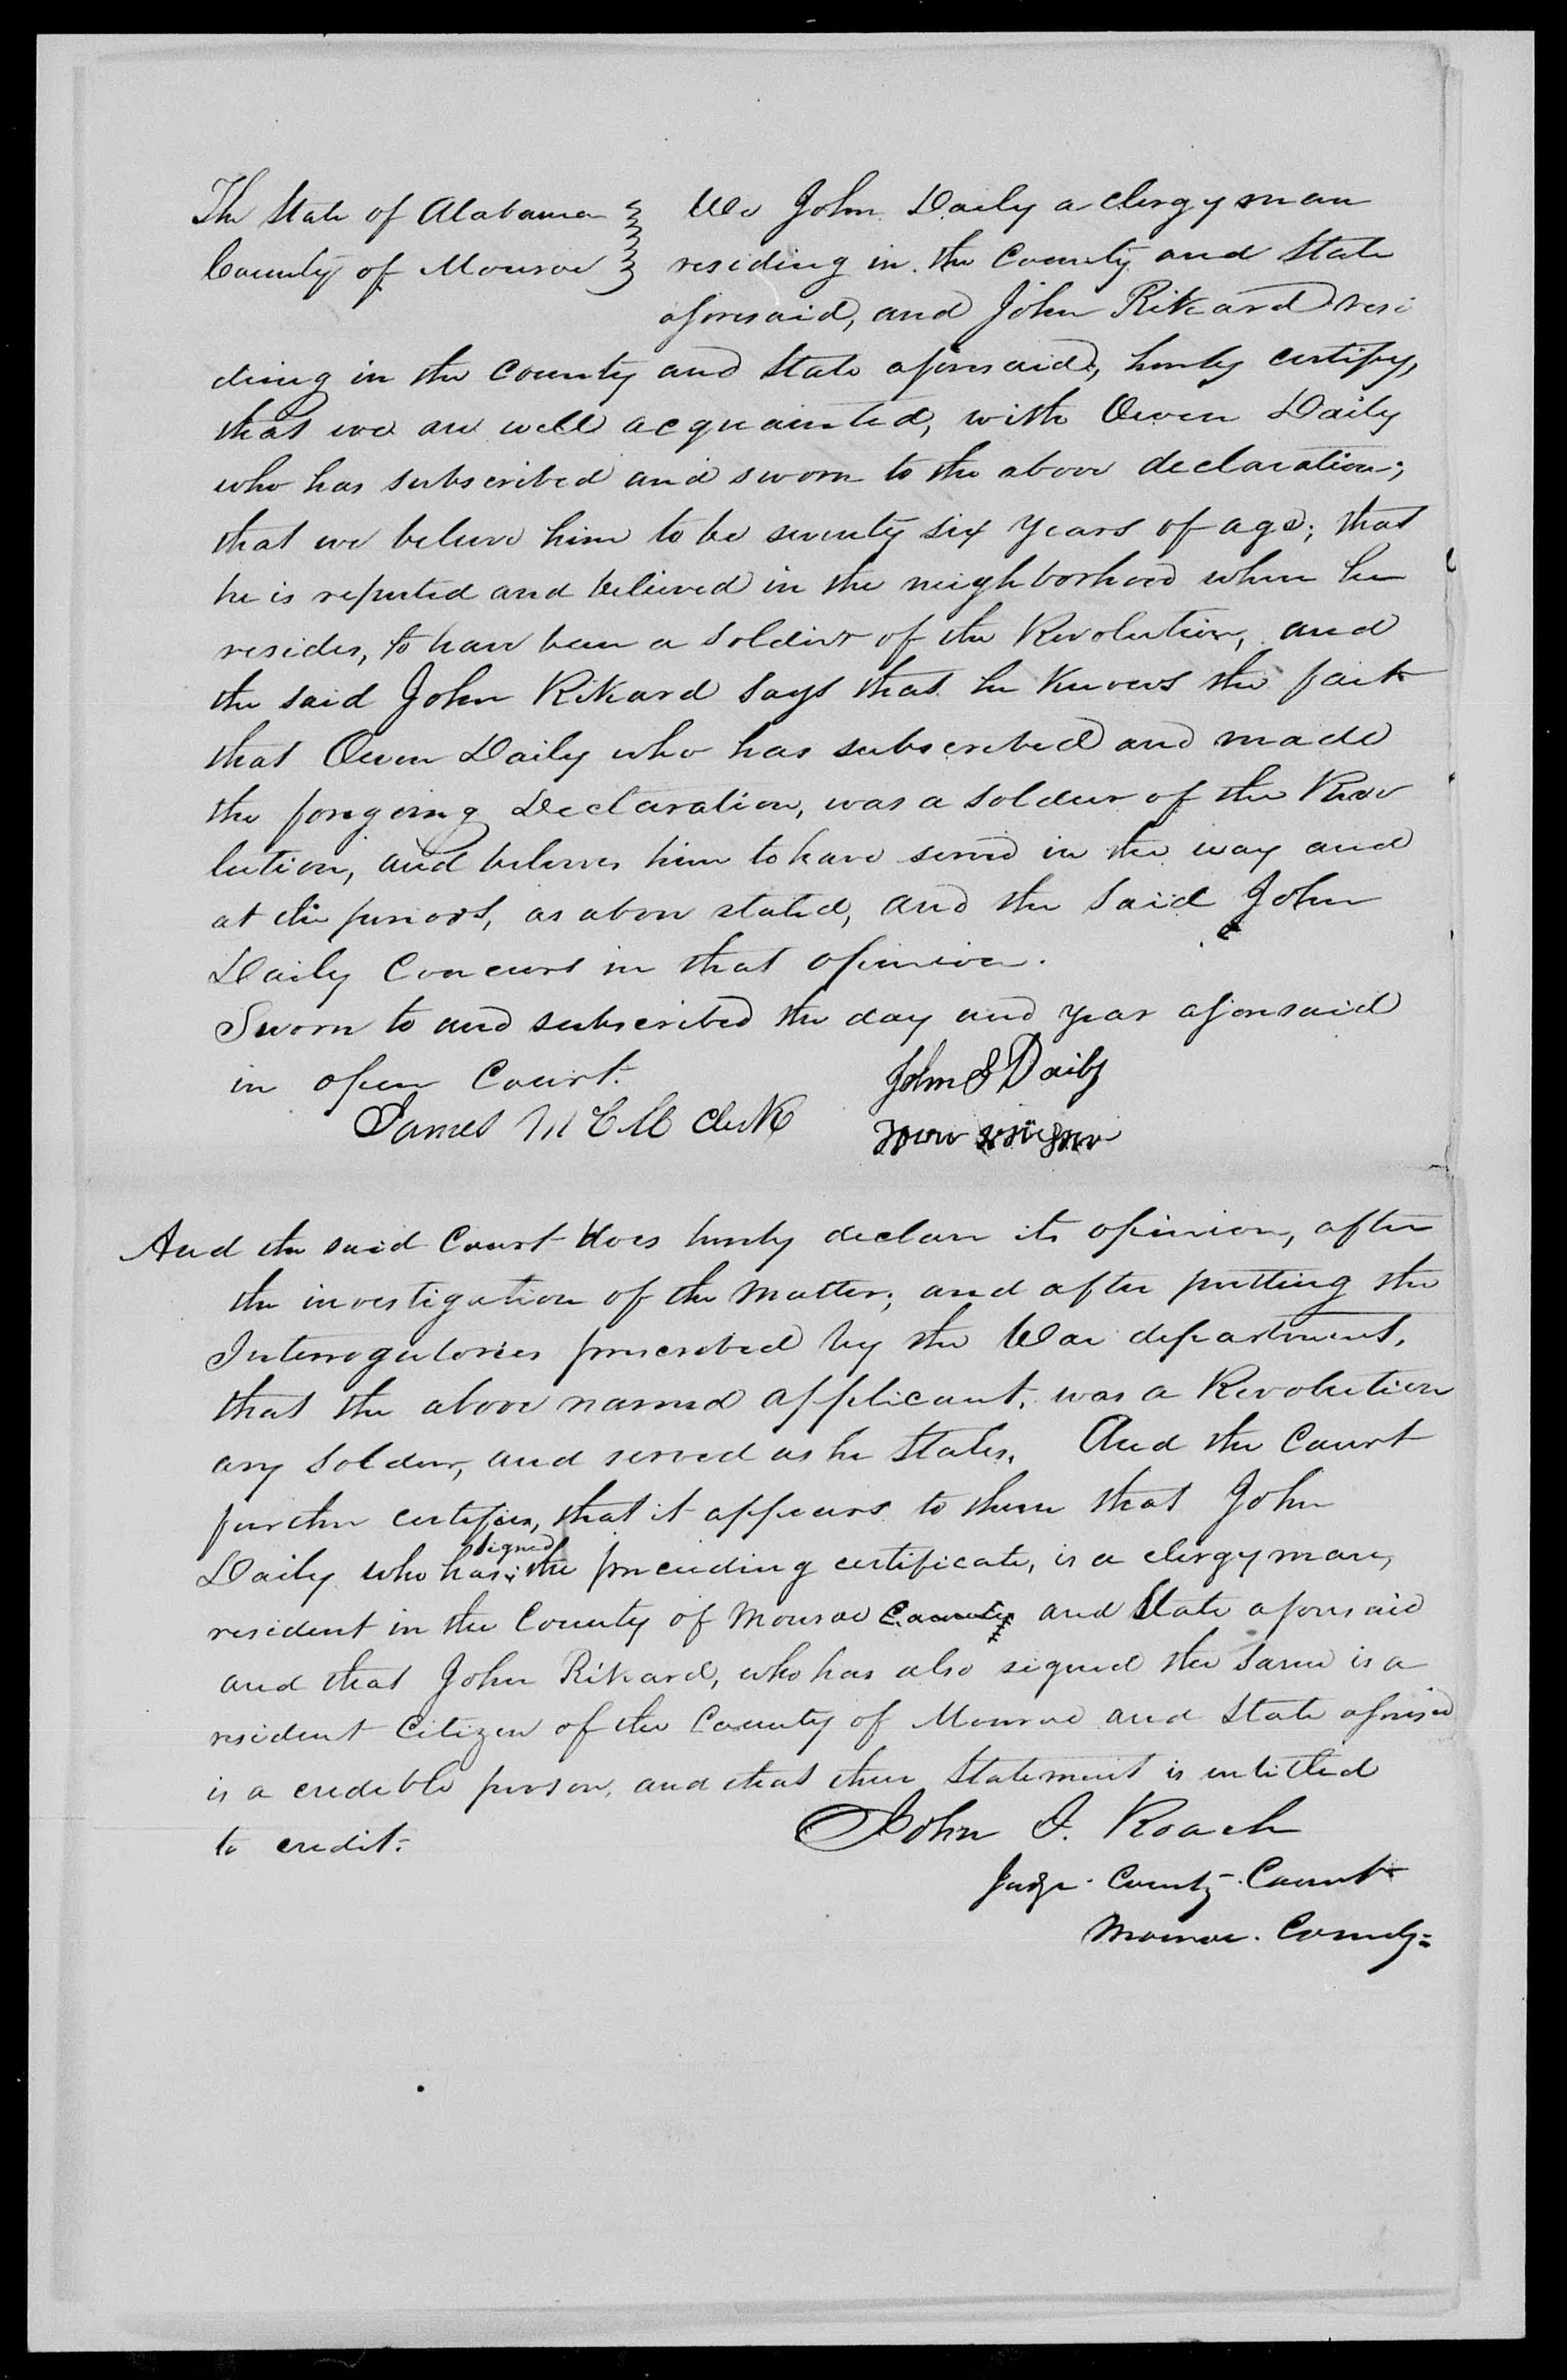The State of Alabama County of Monroe We John Daily a clergyman
residing in the County and State
aforesaid, and John Rickard residing
in the County and State aforesaid, hereby certify that we are well acquainted with Owen Daily
who has subscribed and sworn to the above declaration; that we believe him to be seventy six years of age; that he is reputed and believed in the neighborhood where he resides, to have been a soldier of the Revolution, and the said John Rickard says that he knows the fact that Owen Daily who has subscribed and made
the foregoing declaration, was a soldier of the Revolution and believes him to have served in the way and
at the periods, as above stated, and the said John Daily concurs in that opinion. s/ John S Daily John Rikard
Sworn to and subscribed the day and year aforesaid in open Court.
s/ James McColl  Clerk

And the said Court does hereby declare its opinion, after
the investigation of the matter; and after putting the Interrogatories prescribed by the war department,
that the above named applicant was a Revolutionary solder, and served as he states. And the Court further certifies, that it appears to them that John Daily who has the preceeding certificate, is a clergyman, resident in the County of Monroe County and State aforesaid and that John Rikard, who has also signed the same is a
resident Citizen of the County of Monroe and State aforesaid
is a credible person, and that their statement is entitled to credit.
s/ John J. Roach
Judge County Court
Monroe County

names: Owen Daily, Wm Mason, John Daily, John Rikard, John Daily, John S Daily, John Rikard, James Mc Coll, John Daily, John Rikard, Owen Daily, John J Roach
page: 5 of 13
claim: rejected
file: R. 2,622, Owen Dailey, S.C.